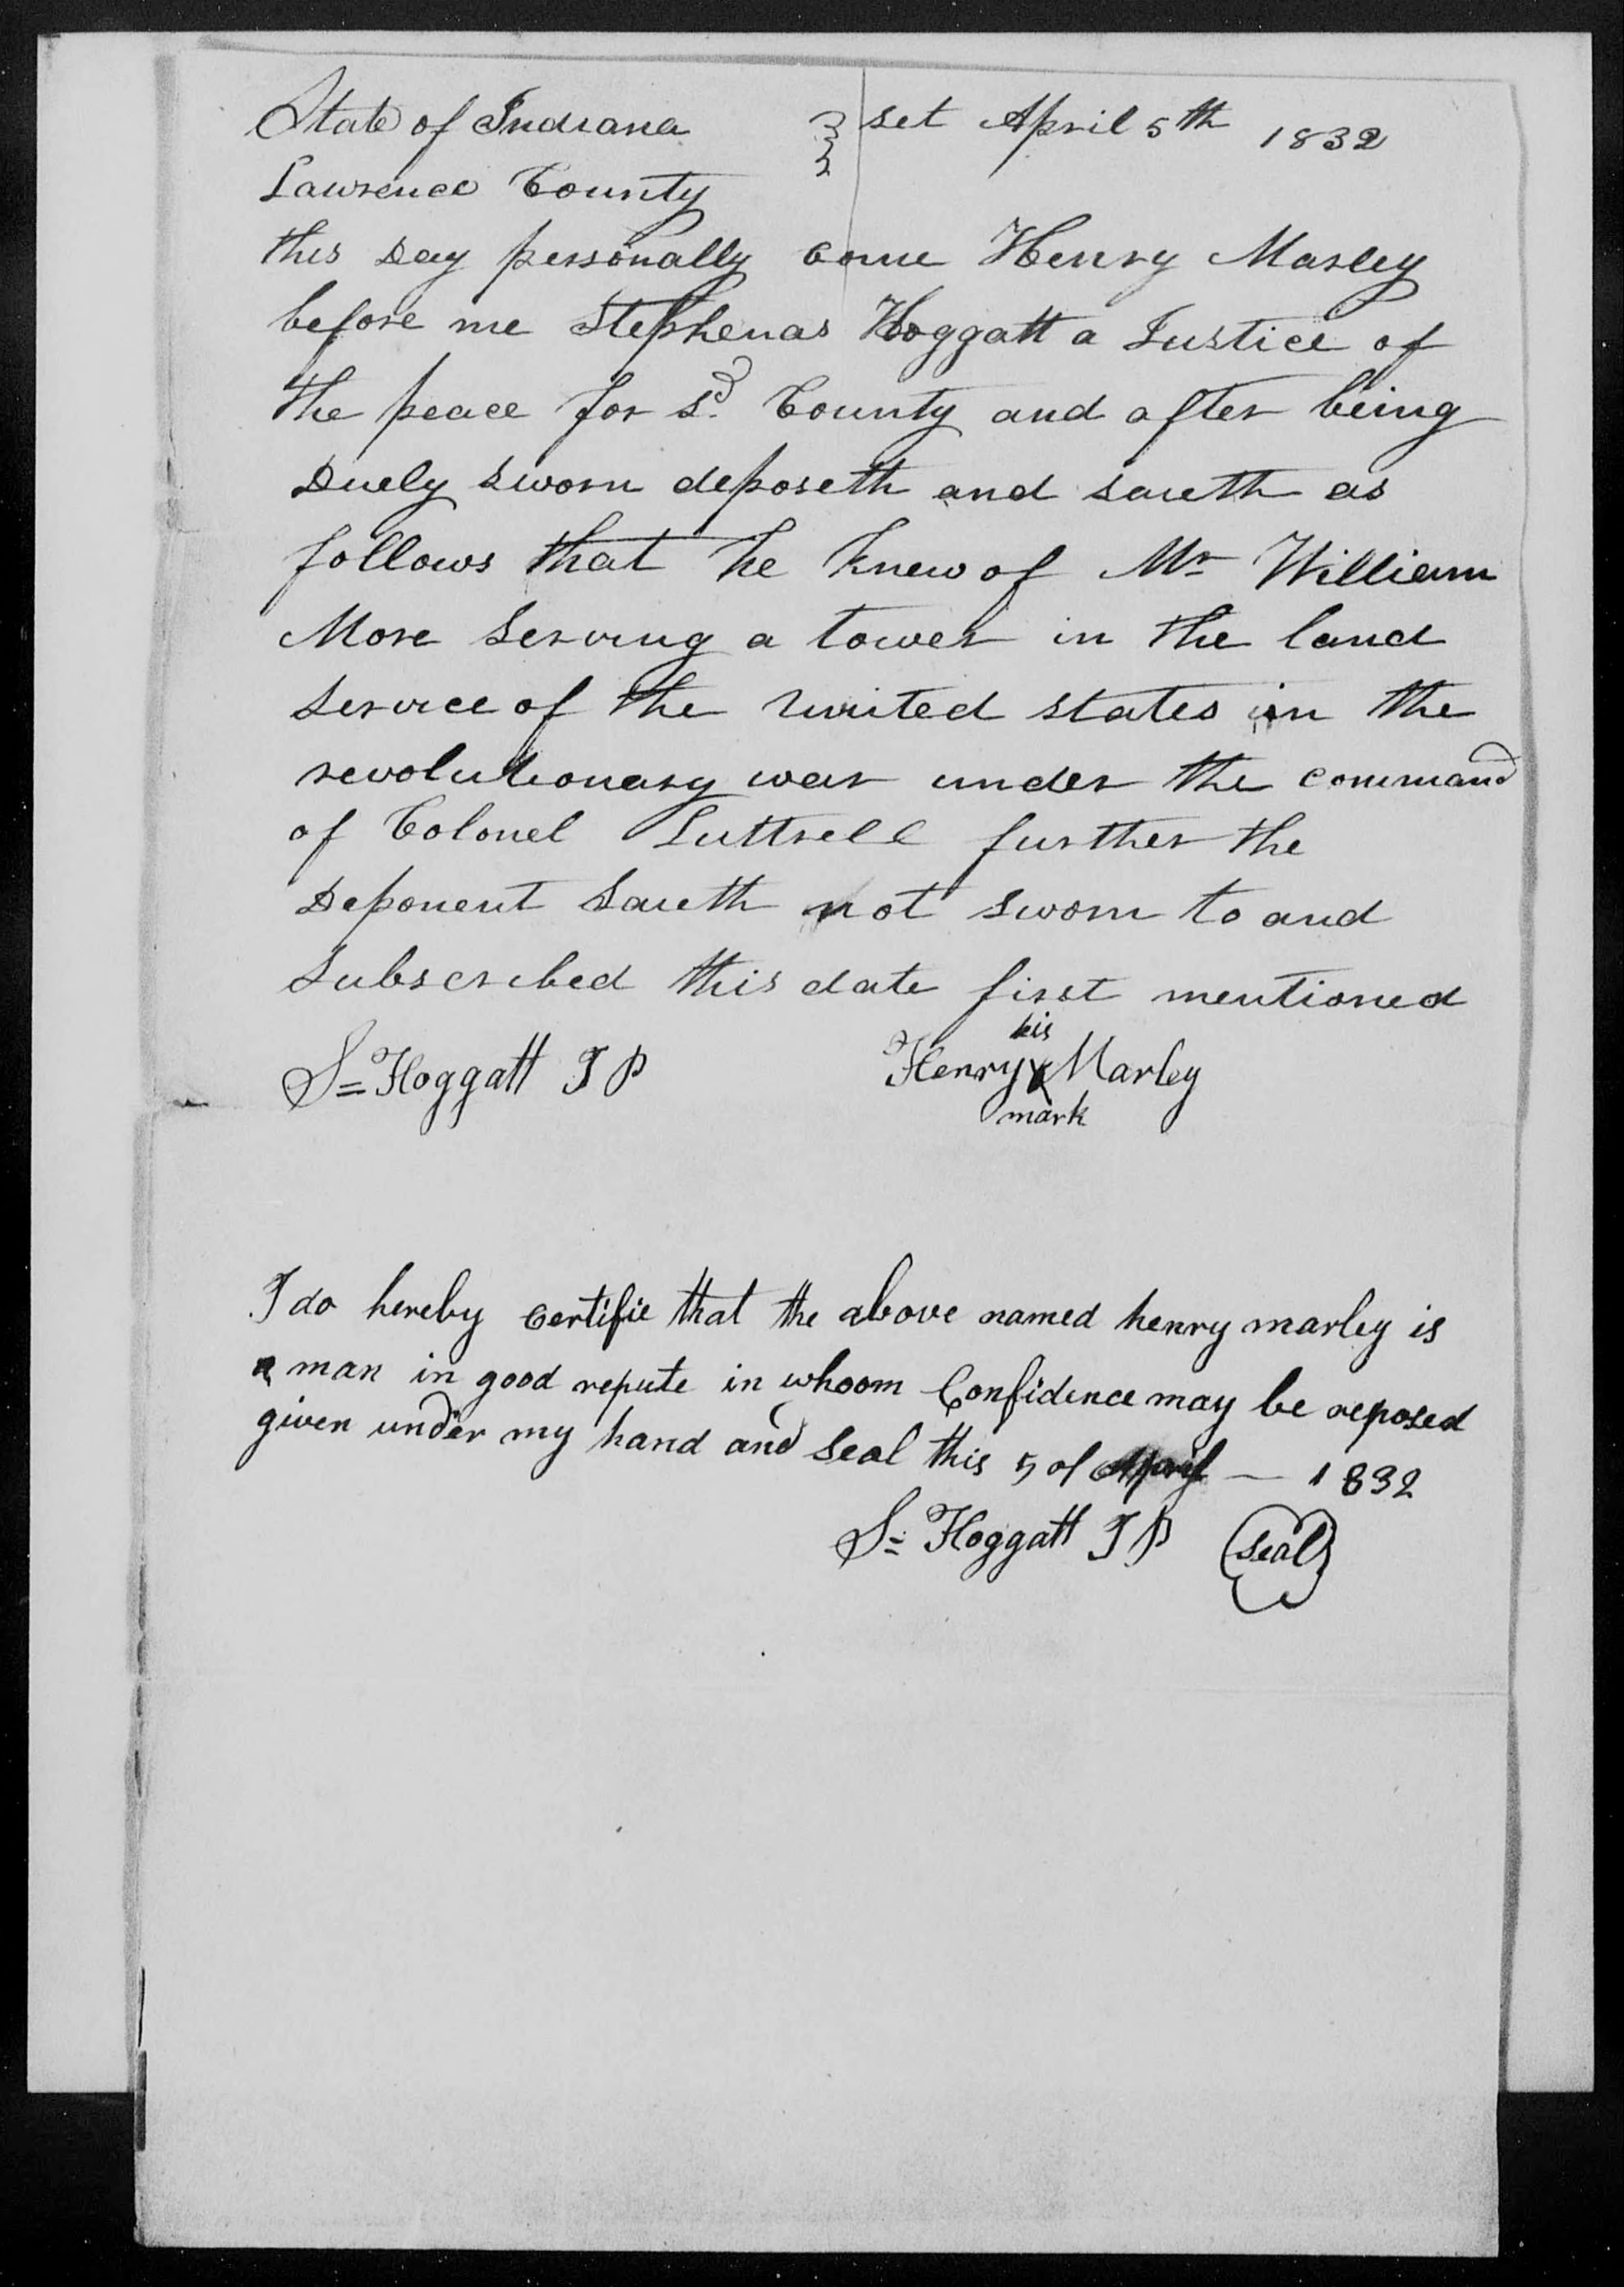State of Indiana
Lawrence County
Sct
April 5th 1832
     This day personally came Henry Marley before me Stephanas Hoggatt a Justice of the peace for said county and after being duly sworn deposeth and saith as follows that he knew of Mr. William Moore serving a tower (tour) in the land service of the United States in the revolutionary war under the command of Colonel Luttrell further the Deponent saith not.  Sworn to and subscribed this date first mentioned.
                   Henry X Marley
                     (X his mark)
S. Hoggatt JP

I do certifie that the above named henry marley is a man in good repute in whoom confidence may be deposed.
               S Hoggatt JP  (seal)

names: Stephenas Hoggatt; Henry Marley; [BLANK] Luttrell; William More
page: 16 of 16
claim: survivor's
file: S. 17,592, for William Moore, North Carolina